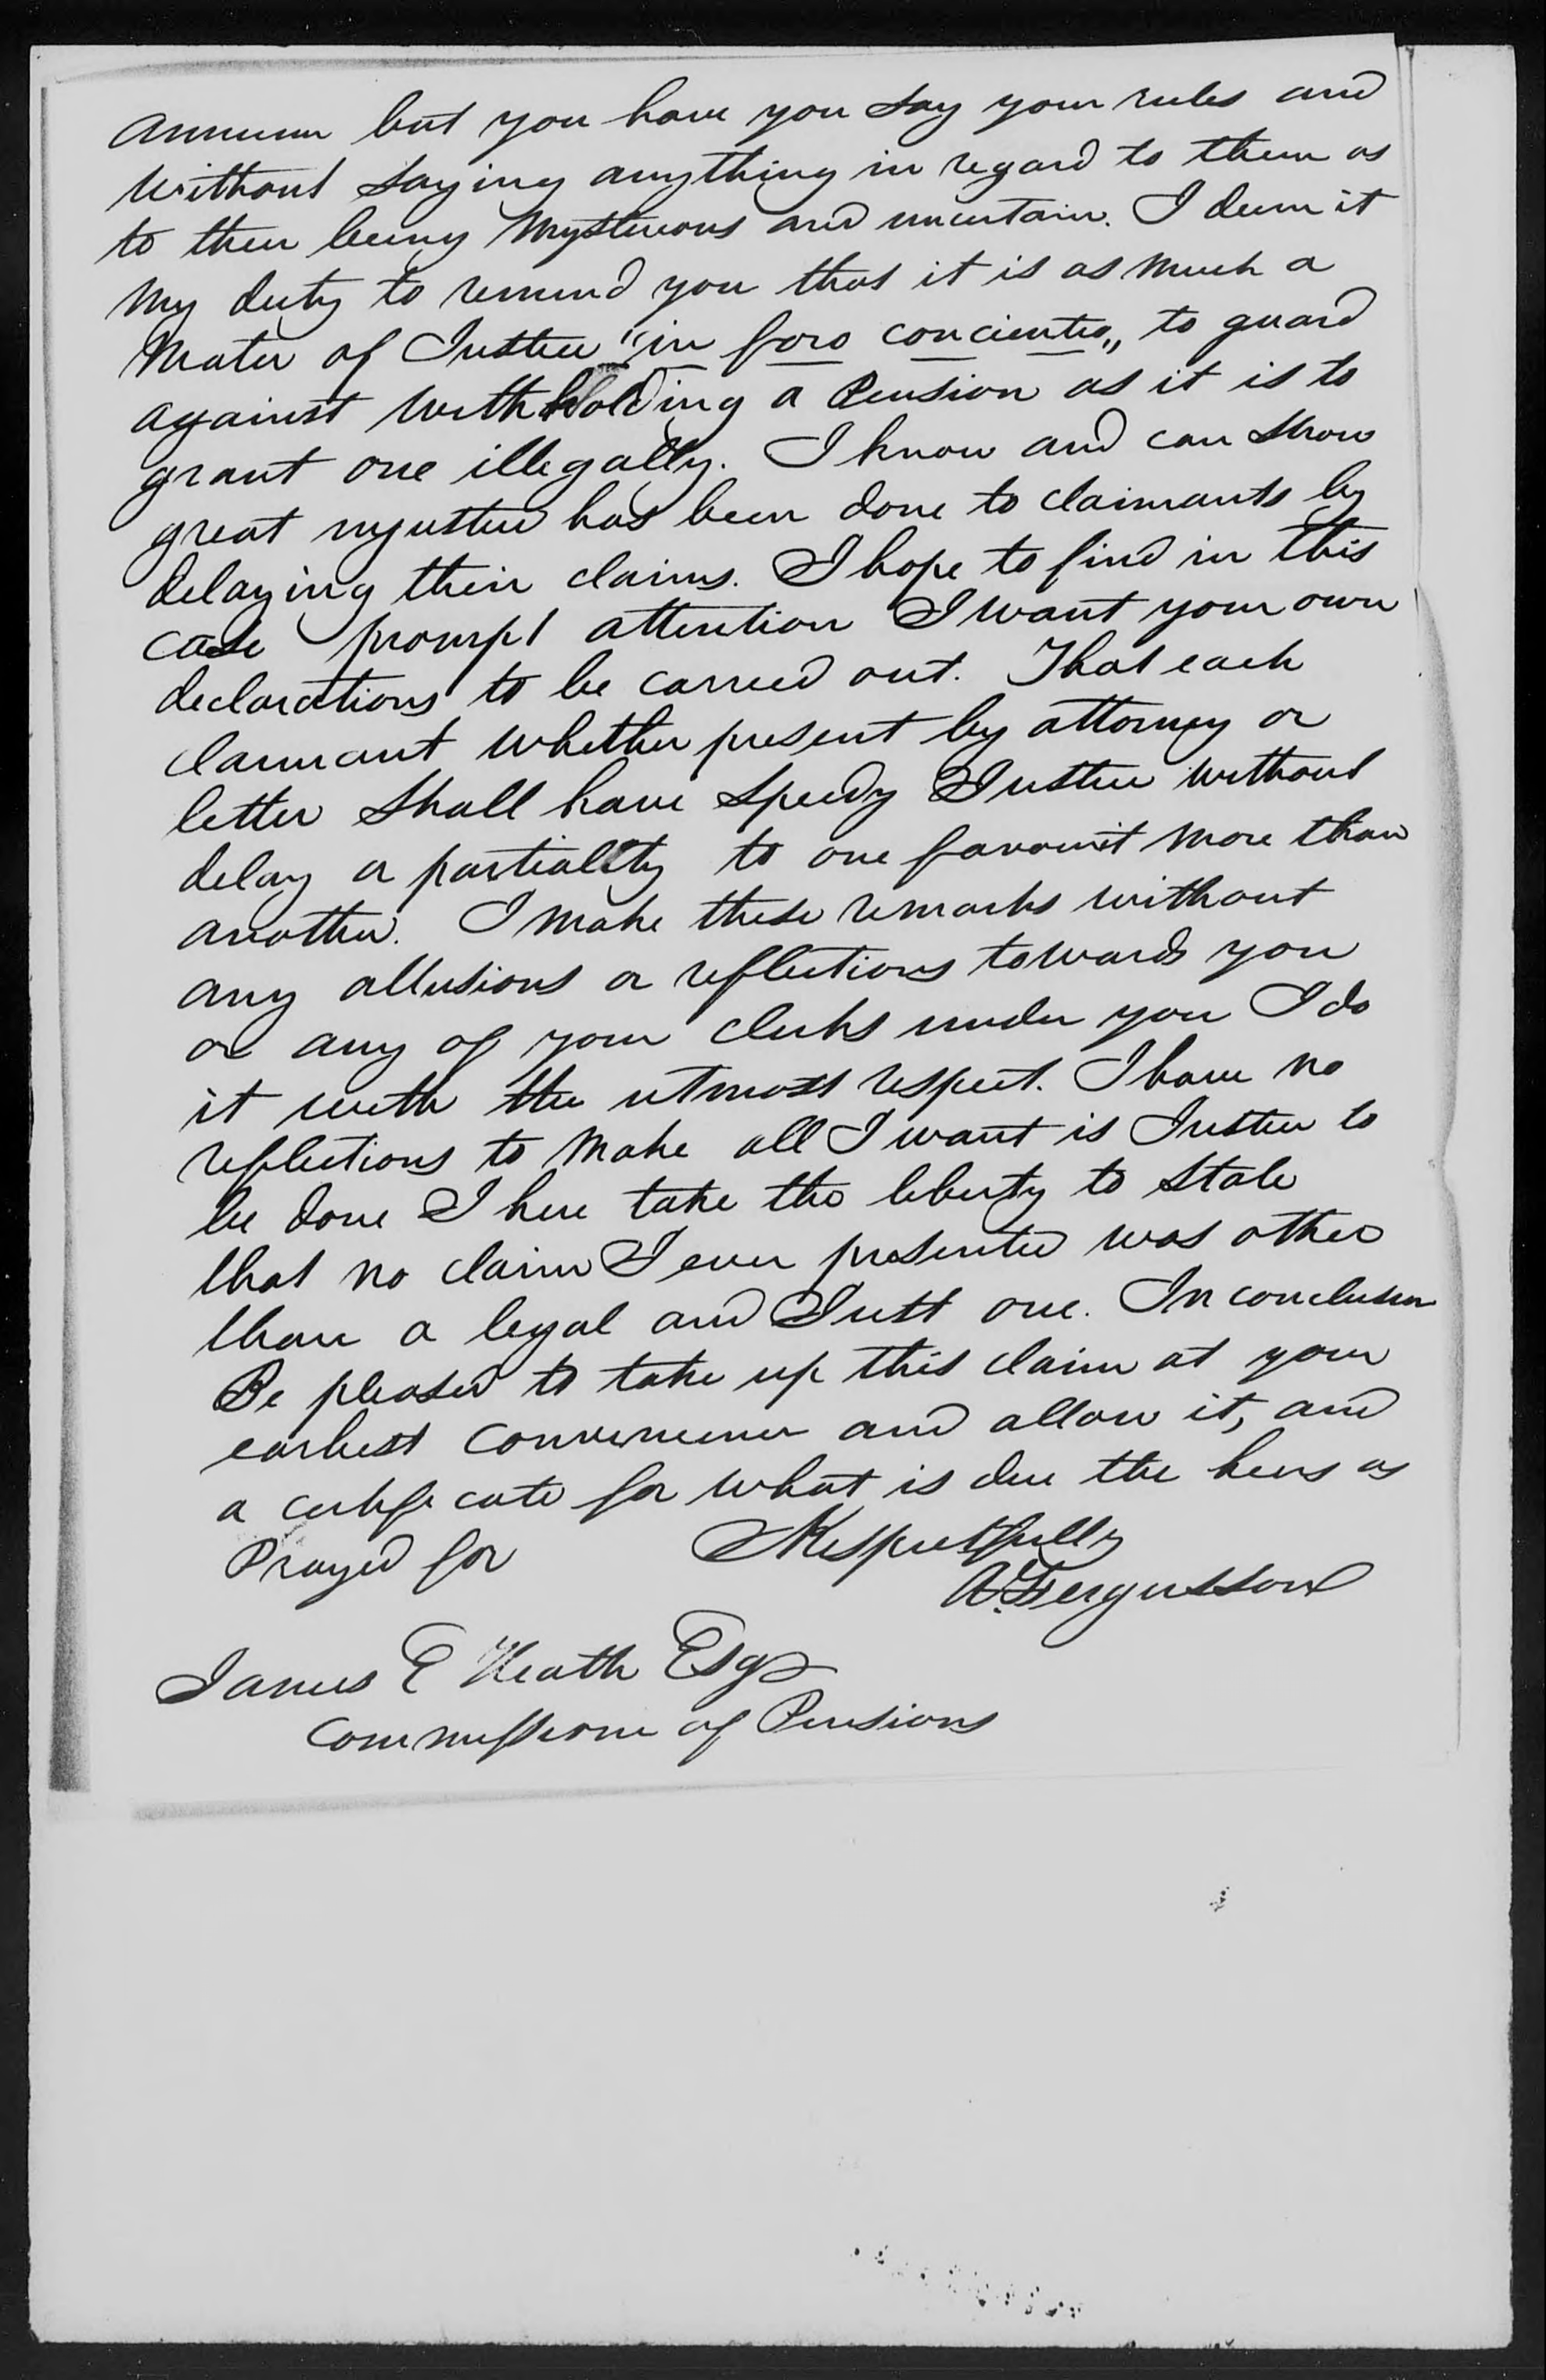Annum but you have your say your rules and without saying anything in regard to them as to their being mysterious and uncertain. I deem it my duty to remind you that it is as much a Mater of Justice [underlined “in fors concientie”] to guard against with holding a pension as it is to grant one illegally. I know and can show great injustice has been done to claimants by delaying their claims. I hope to find in this case prompt attention. I want your own declarations to be carried out. That each claimant whether present by attorney or letter shall have speedy justice without delay a partiality to one favorient more than another. I make this remark without any allusions or reflections towards you  or any of your clerks under you I do it with the utmost respect. I have no reflections to make all I want is justice to be done I here take the liberty to state that no claim if ever prosecuted was other than a loyal and just one. In conclusion be pleased to take up this claim at your earliest convenience and allot it, and a certificate for what is due the heirs as prayed for 
Respectfully 
A Fergusson
James E Heath Esq
Commissioner of Pensions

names: James E Heath, A Fergusson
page: 31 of 62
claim: widow's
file: W 7005, Frederick Debow, N.C.